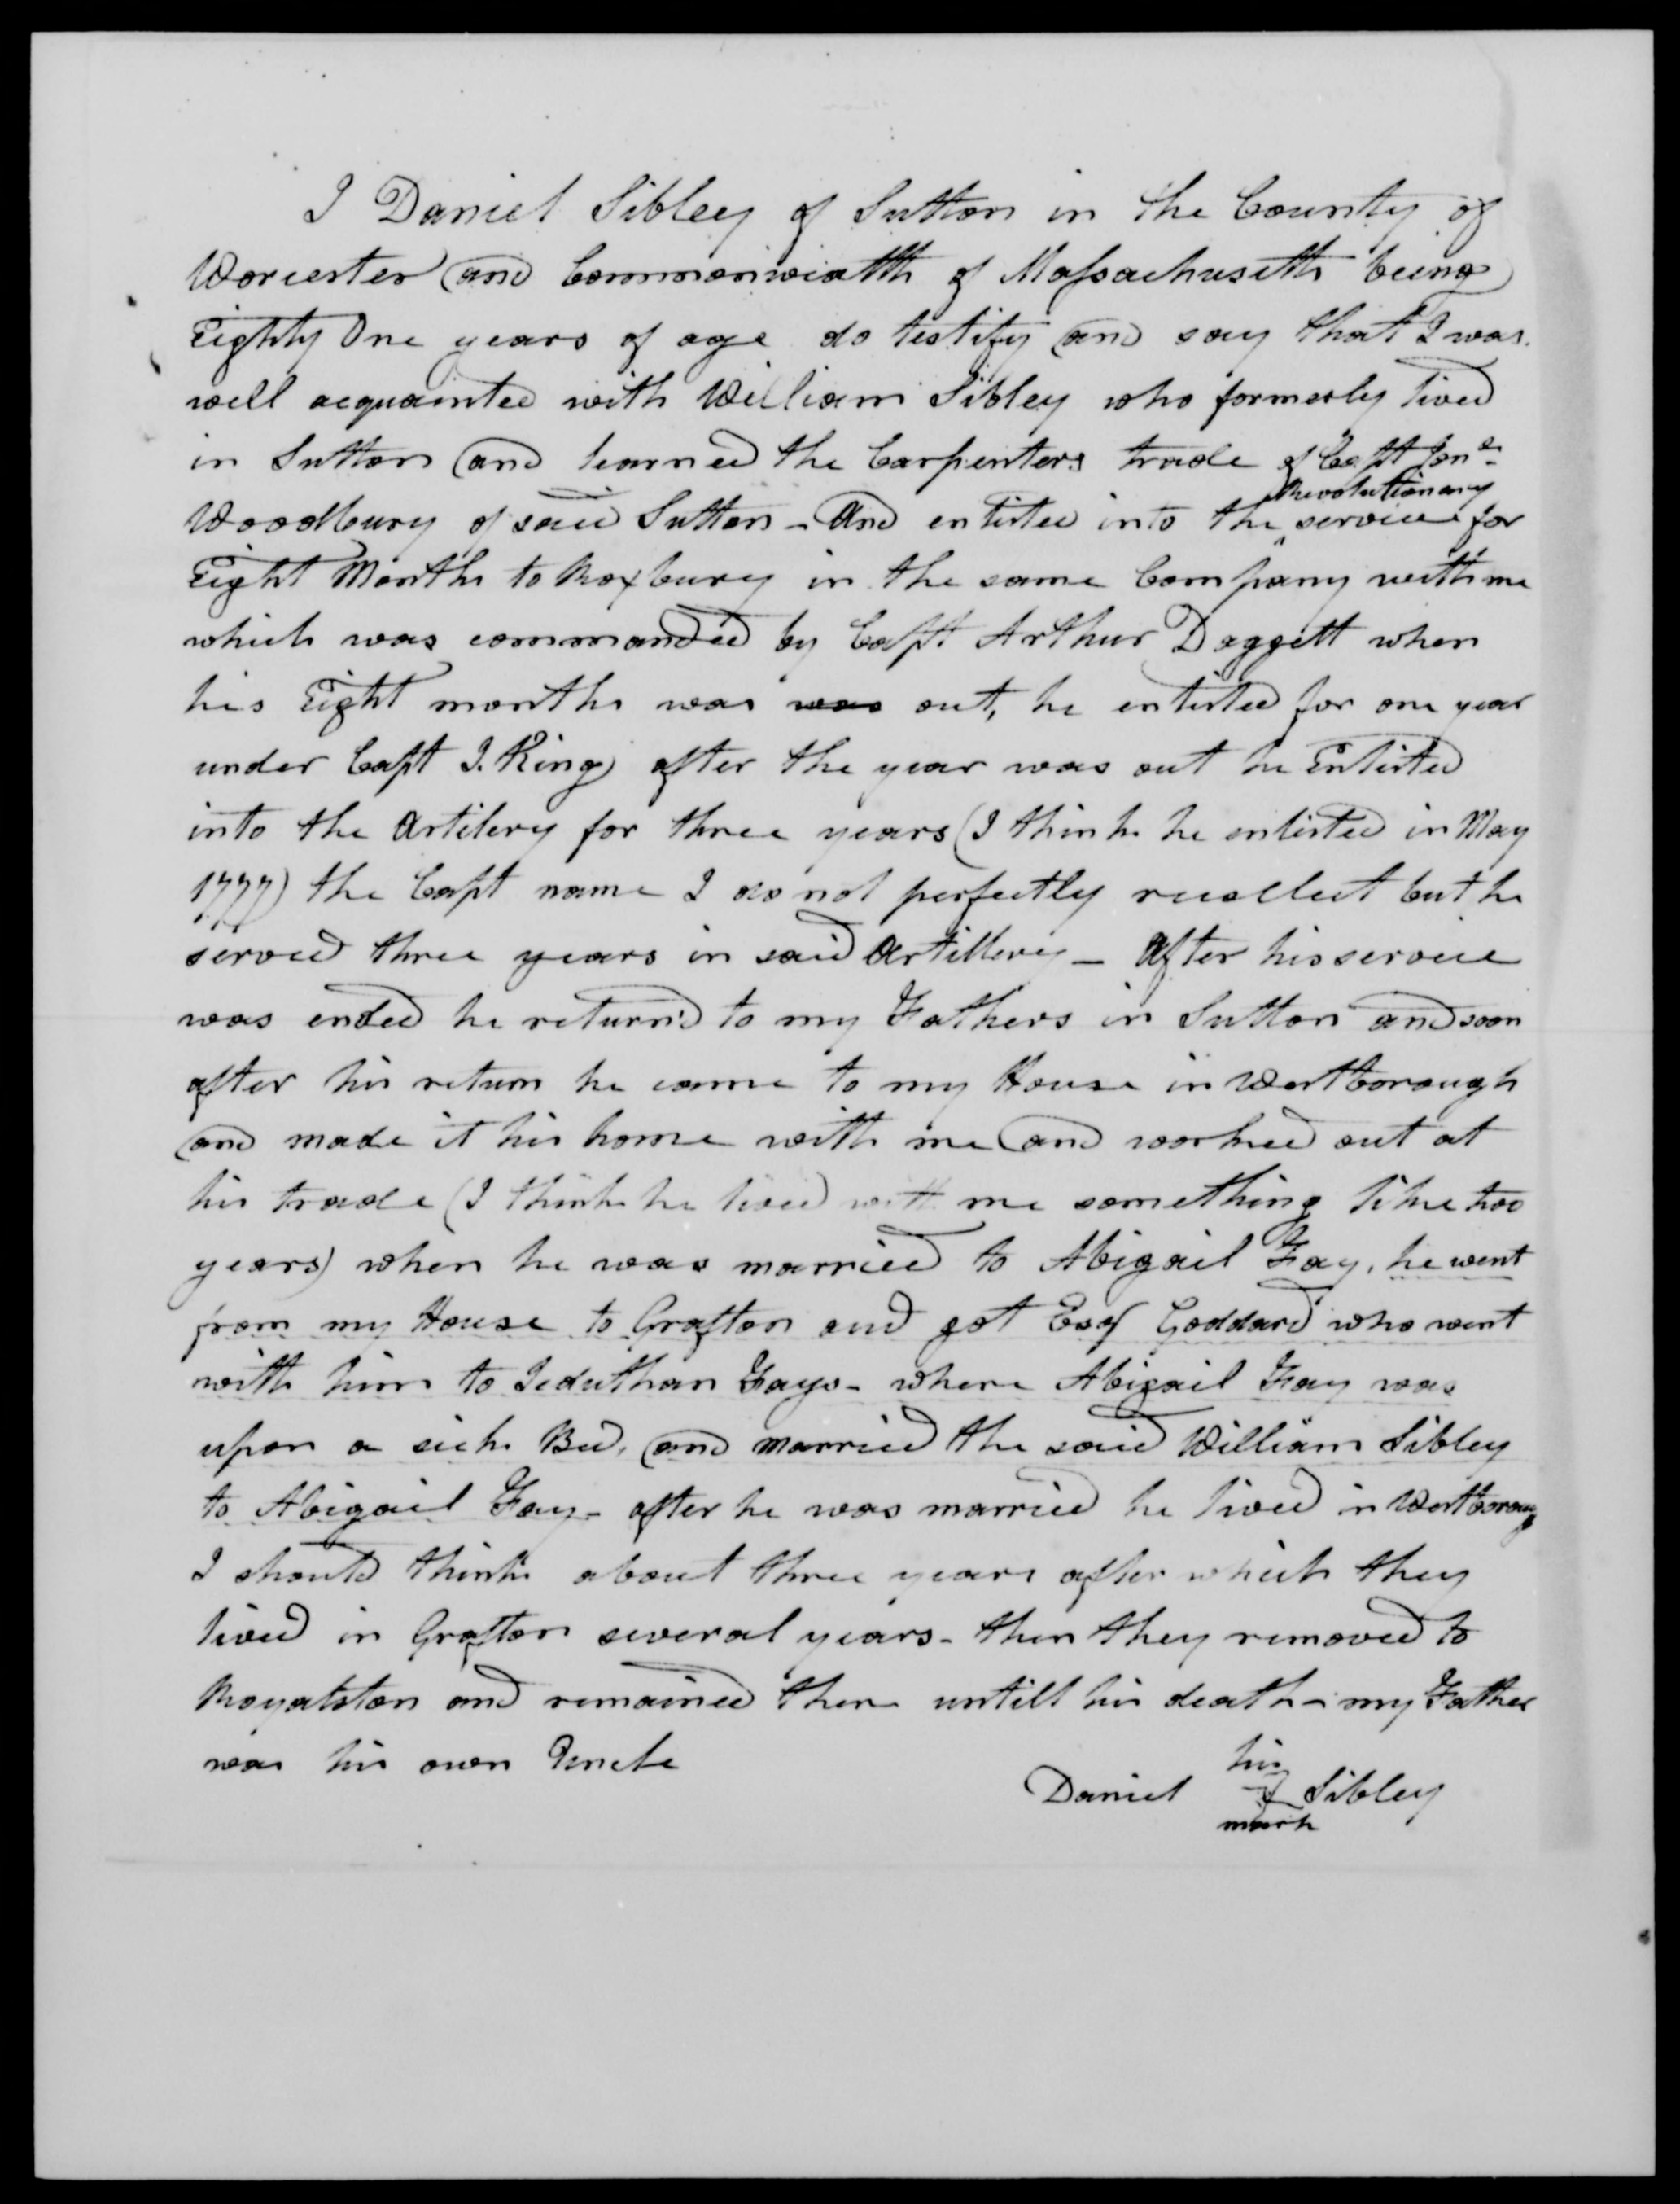I David Sibley of Sutton in the County of Worcester and Commonwealth of Massachusetts being eighty-one years of age do testify and say that I was well acquainted with William Sibley who formerly lived in Sutton and learned the Carpenters trade of Capt. John Woodbury of said Sutton.  And enlisted into the Revolutionary service for eight months to Roxbury in the same company with me which was commanded by Capt. Arthur Daggett when his eight months was out, he enlisted for one year under Capt.  J. King after the year was out he enlisted into the artilery for three years (I think he enlisted in May 1777) the Capt. name I do not perfectly recollect but he served three years in sad artillery. After his service was ended he returned to my Fathers in Sutton and soon after his return he came to my house in Westborough and made it his home with me and worked out at his trade (I think he lived with me something like two years) when he was married to Abigail Fay, he went from my house to Grafton and got Esq Goddard who went with him to Jeduthan Fays. where Abigail Fay was upon a sick bed and married the said William Sibley to Abigail Fay - after he was married he lived in Westborough I should think about three years after which they lived in Grafton several years, then they removed to Royalston and remained there untill his death. my Farther near his own Uncle.
David his mark Sibley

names: Daniel Sibley; William Sibley; Arthur Doggett; [BLANK] Goddard; William Sibley; Daniel Sibley; J King; Jona Woodbury; Abigail Fay; Abigail Fay; Jeduthan Fays; Abigail Fay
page: 10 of 24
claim: widow's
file: W. 15,338, for William Sibley, Massachusetts